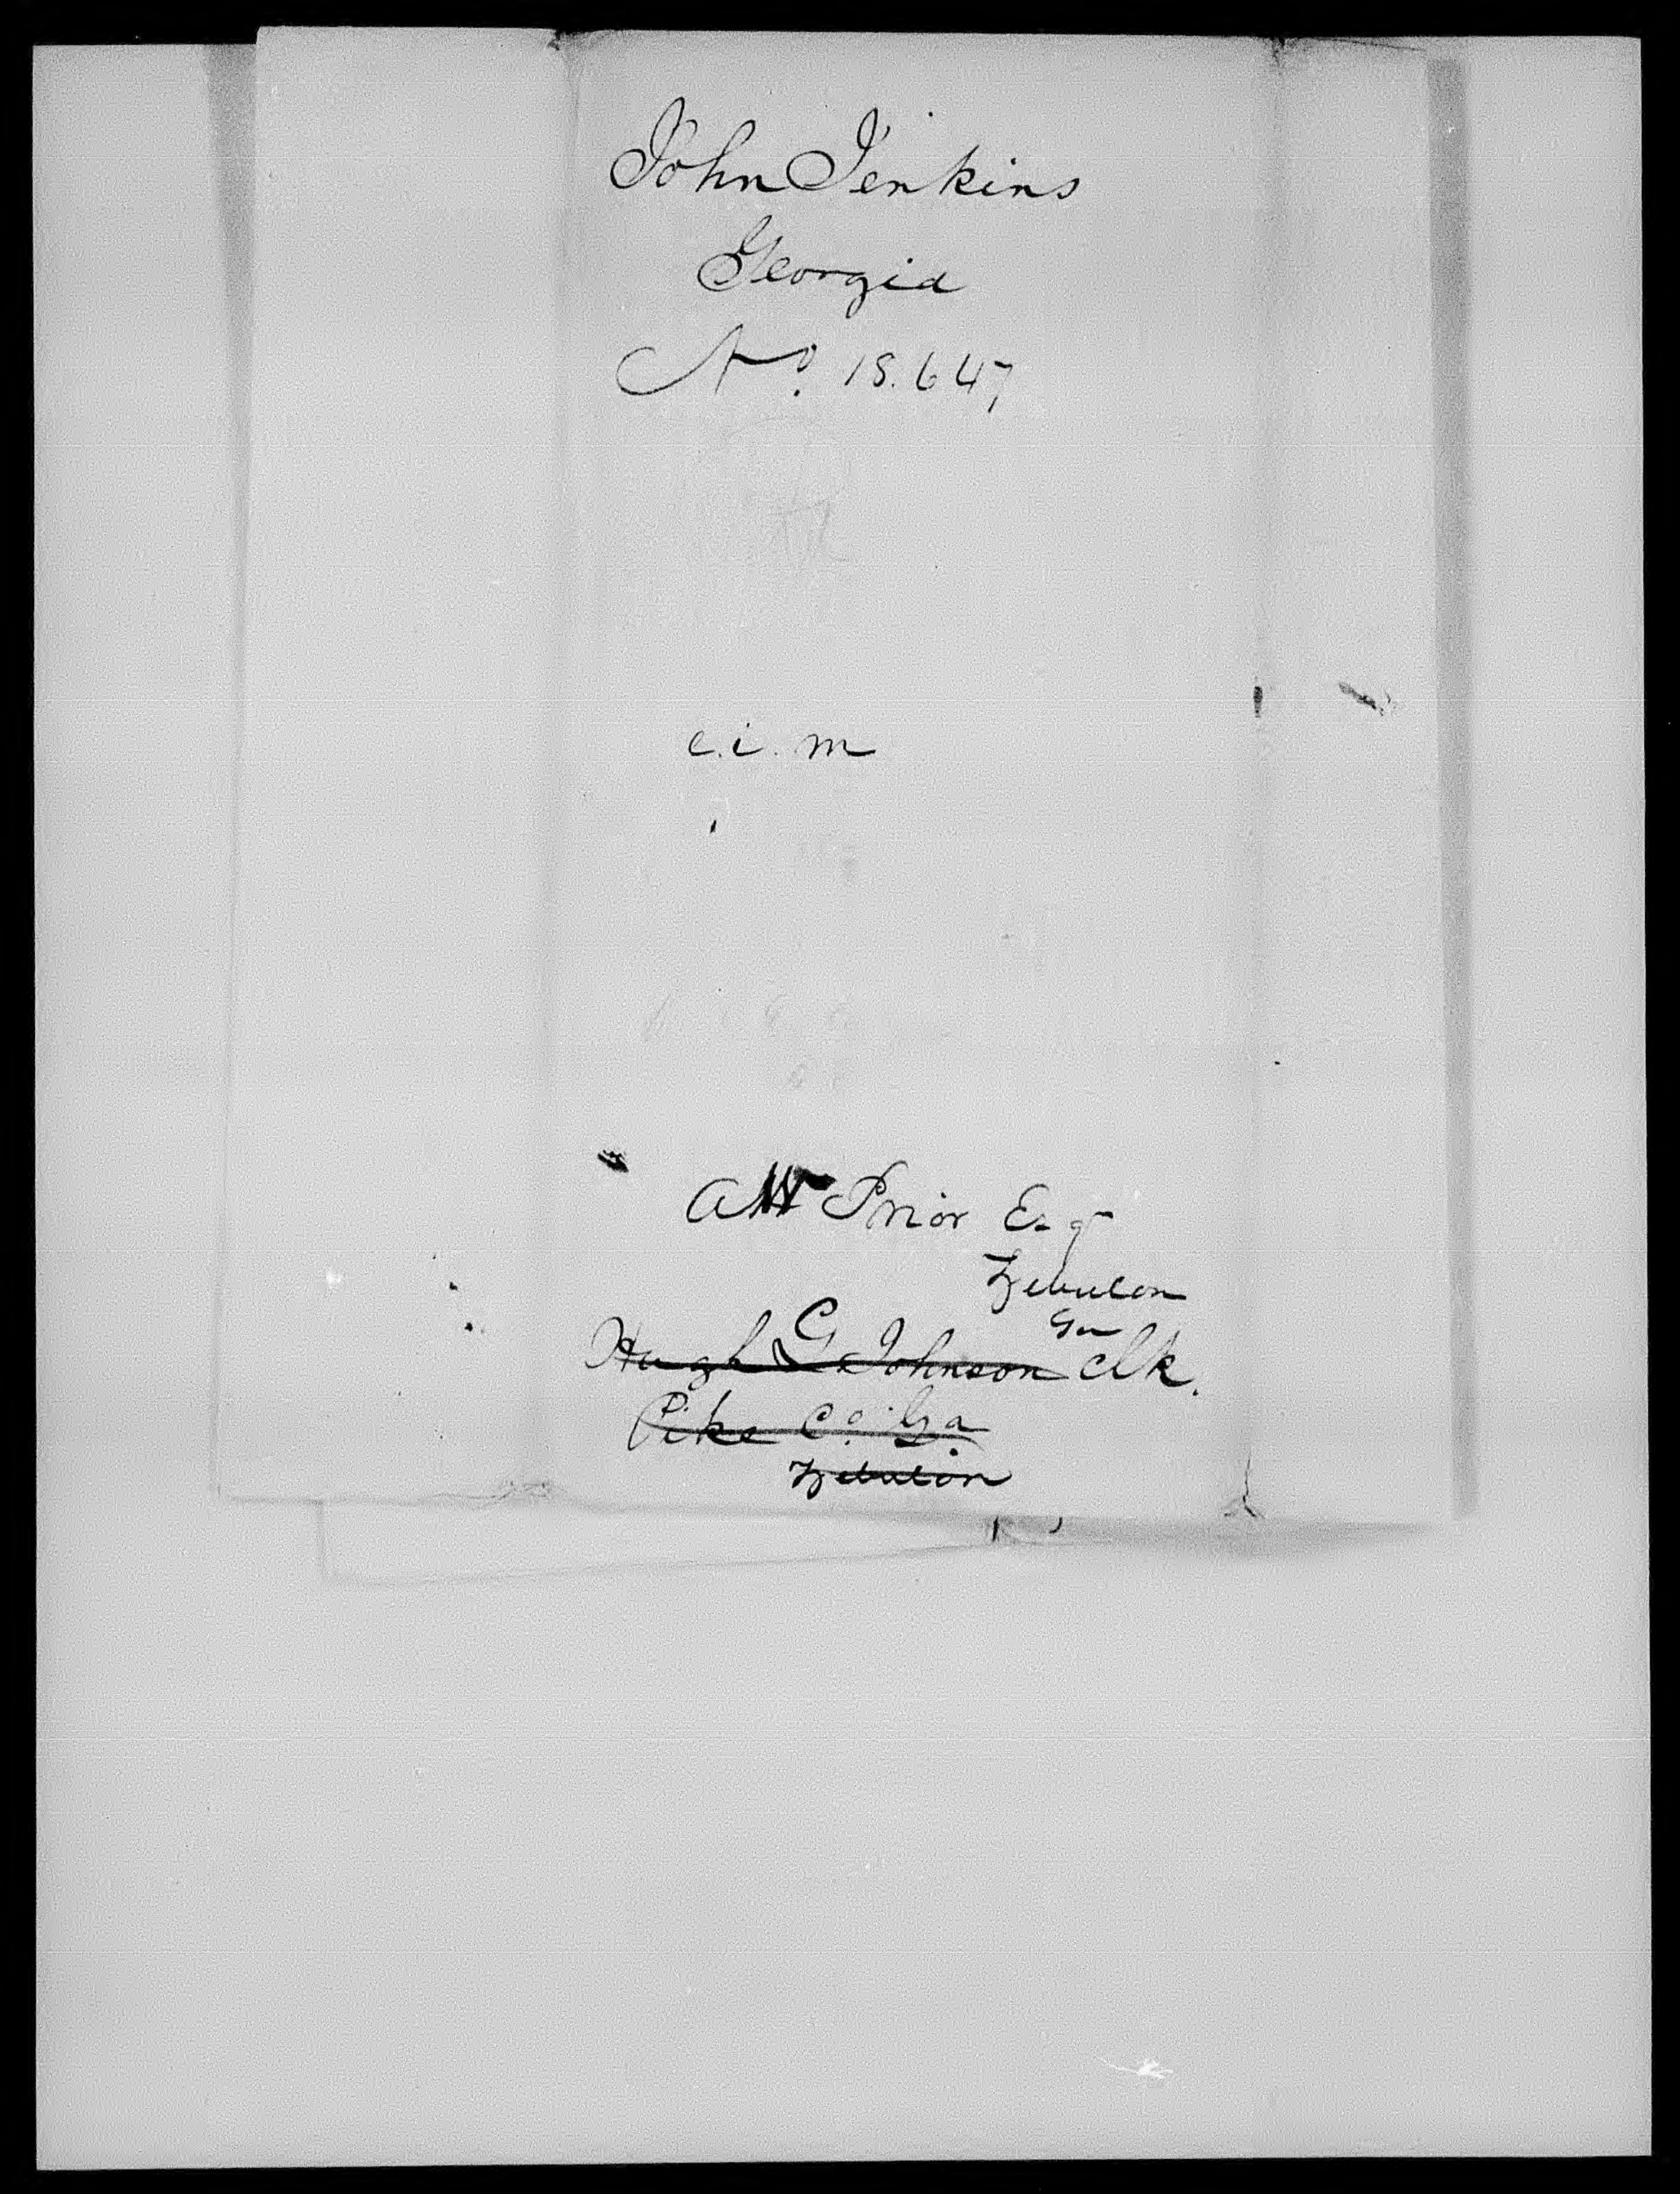John Jenkins
Georgia
No 18.647
c.i.m
A  W Prior Esq
Zebulon Ga
[Hugh G Johnson Clk
Pike Co Ga
Zebulon] [crossed out]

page: 20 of 55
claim: widow's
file: W. 7894, for John Jenkins, Virginia